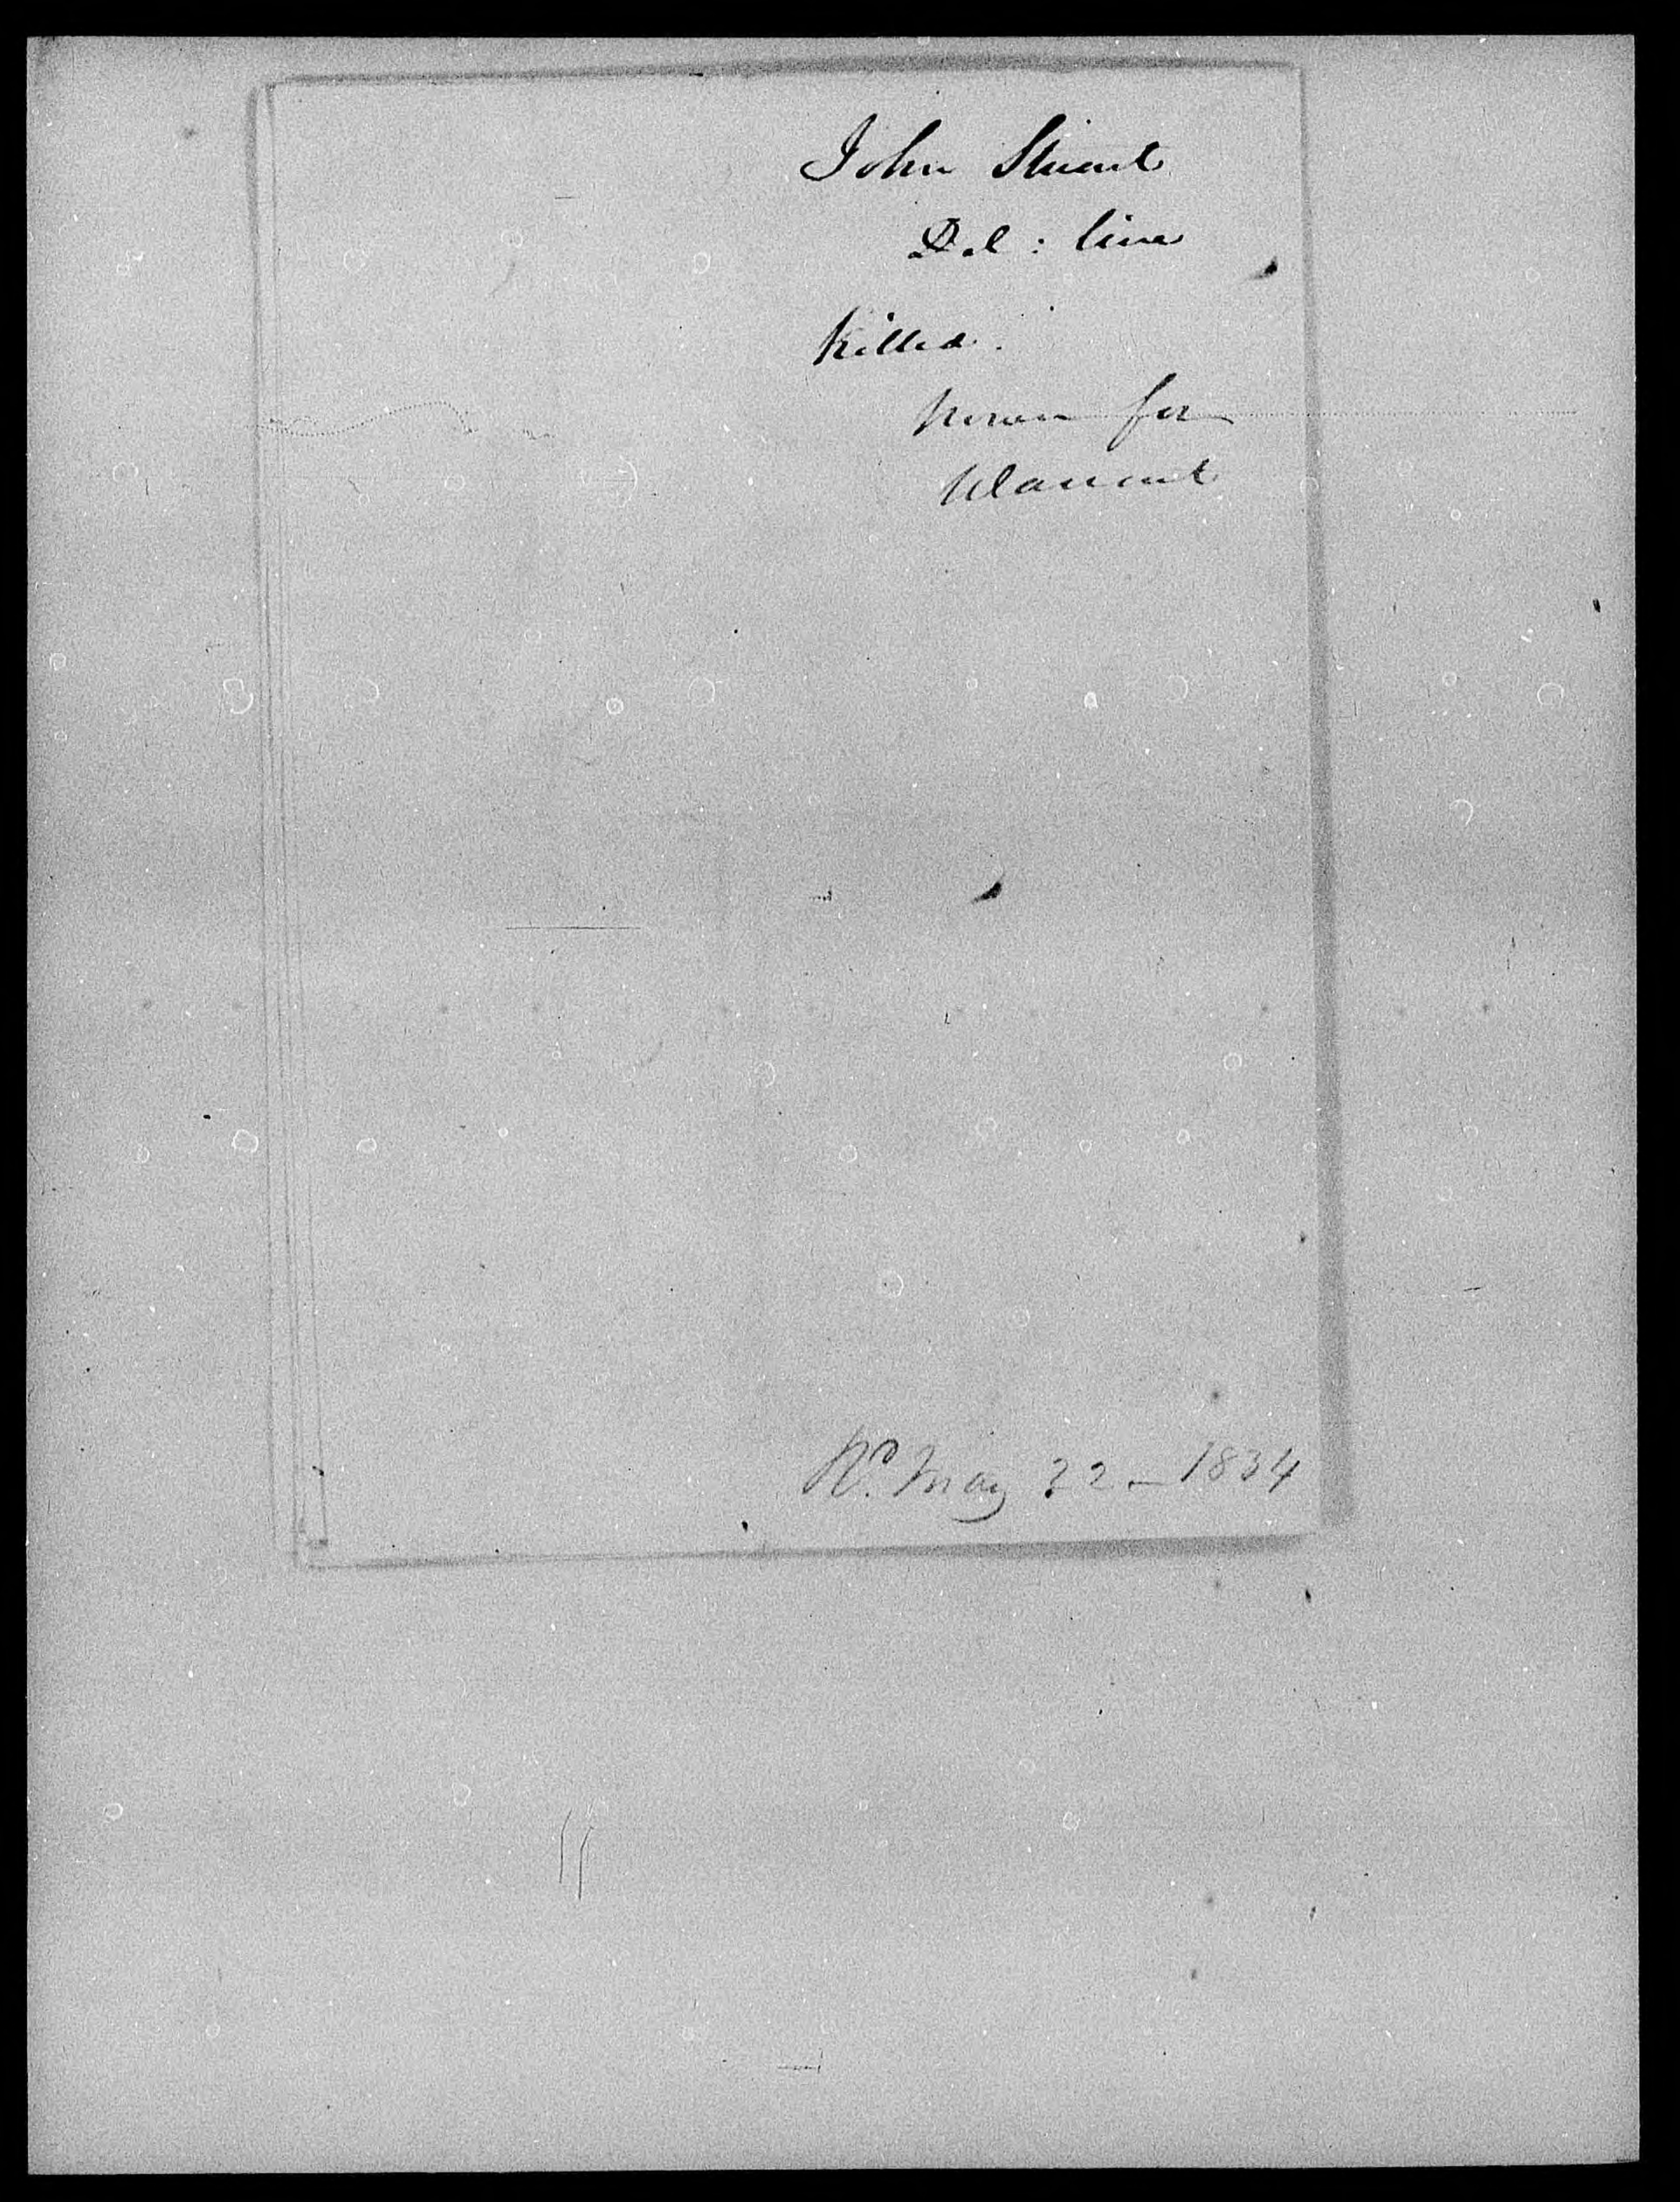John Stuart
Del: line

Killed

[illegible] for warrant

Re. May 22 _ 1834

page: 3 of 9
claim: bounty land warrant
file: B. L. Wt. 2081-100, for John Stuart, Delaware